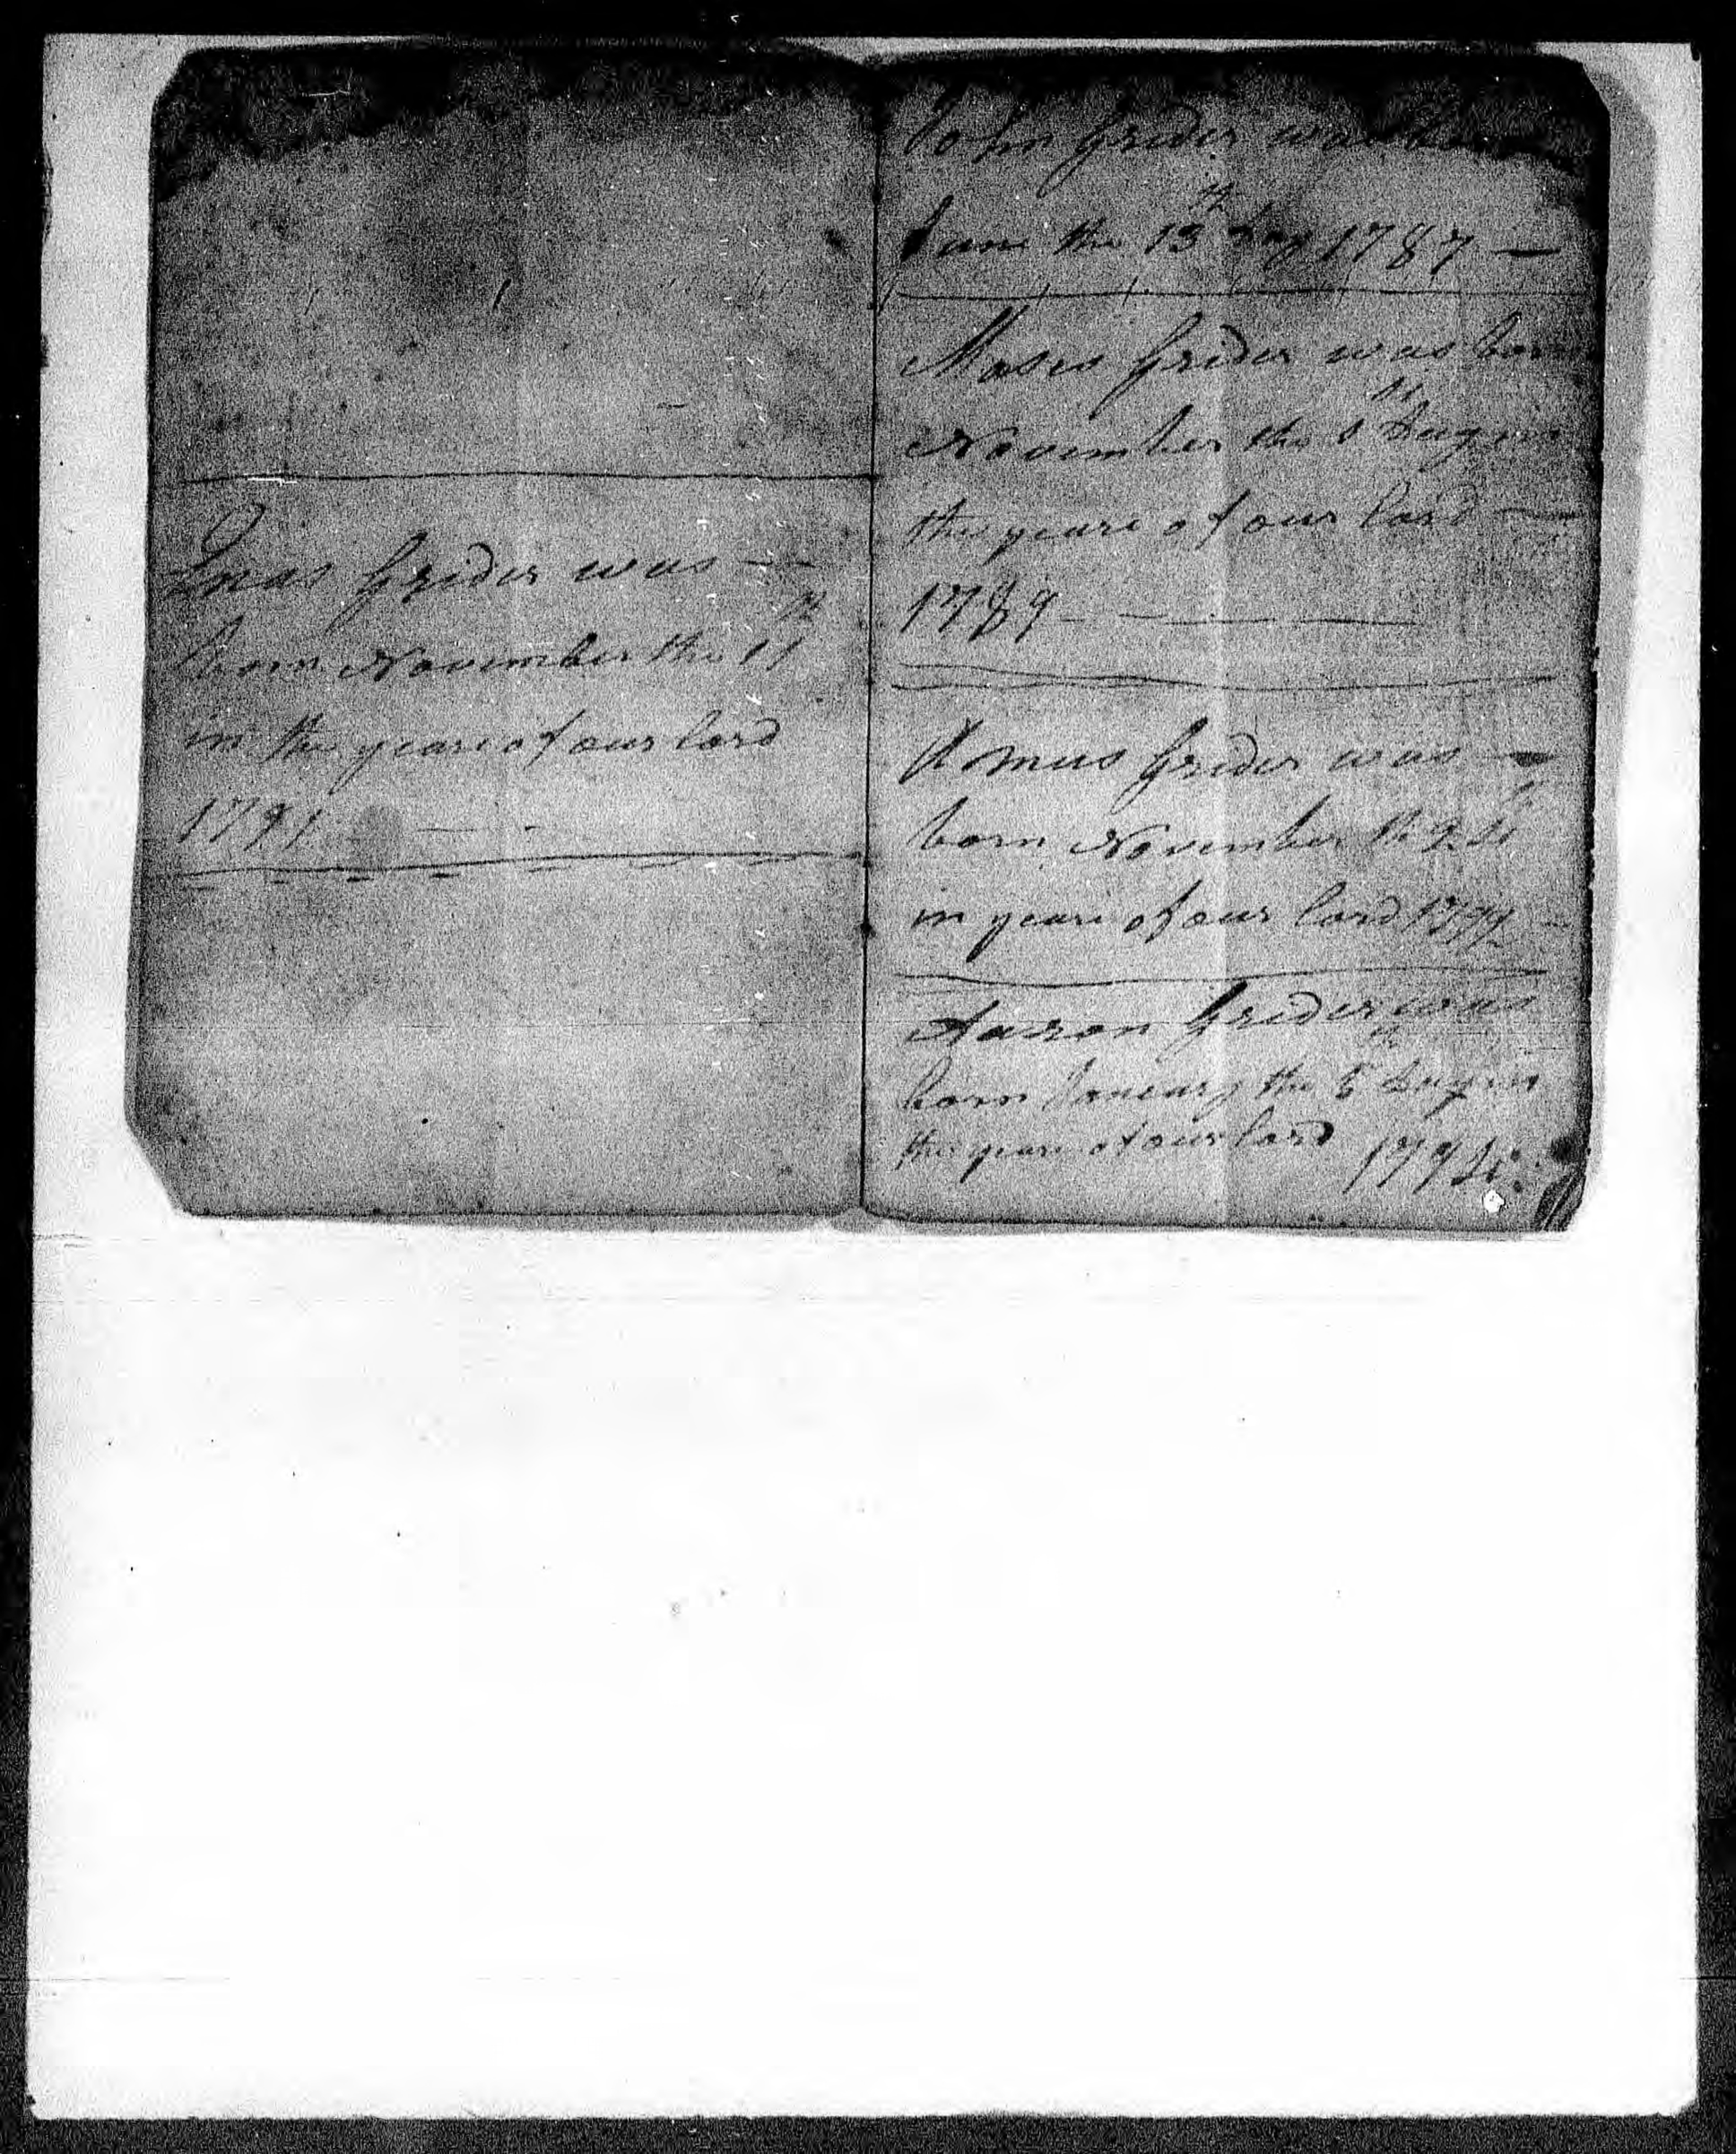[left side of page]
Enos Grider was
born November the 11th
in the year of our lord
1791

[right side of page]
John Grider was born
June the 13th day in
the year of our lord 
1789

Amos Grider was 
born November  the 20th
in year of our lord 1779

Aaron Grider was
born January the 6th day in
the year of our lord
1772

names: Enos Grider, Aaron Grider, Moses Grider, John Grider, Amos Grider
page: 26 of 91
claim: widow's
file: W 358, John Grider, N.C.